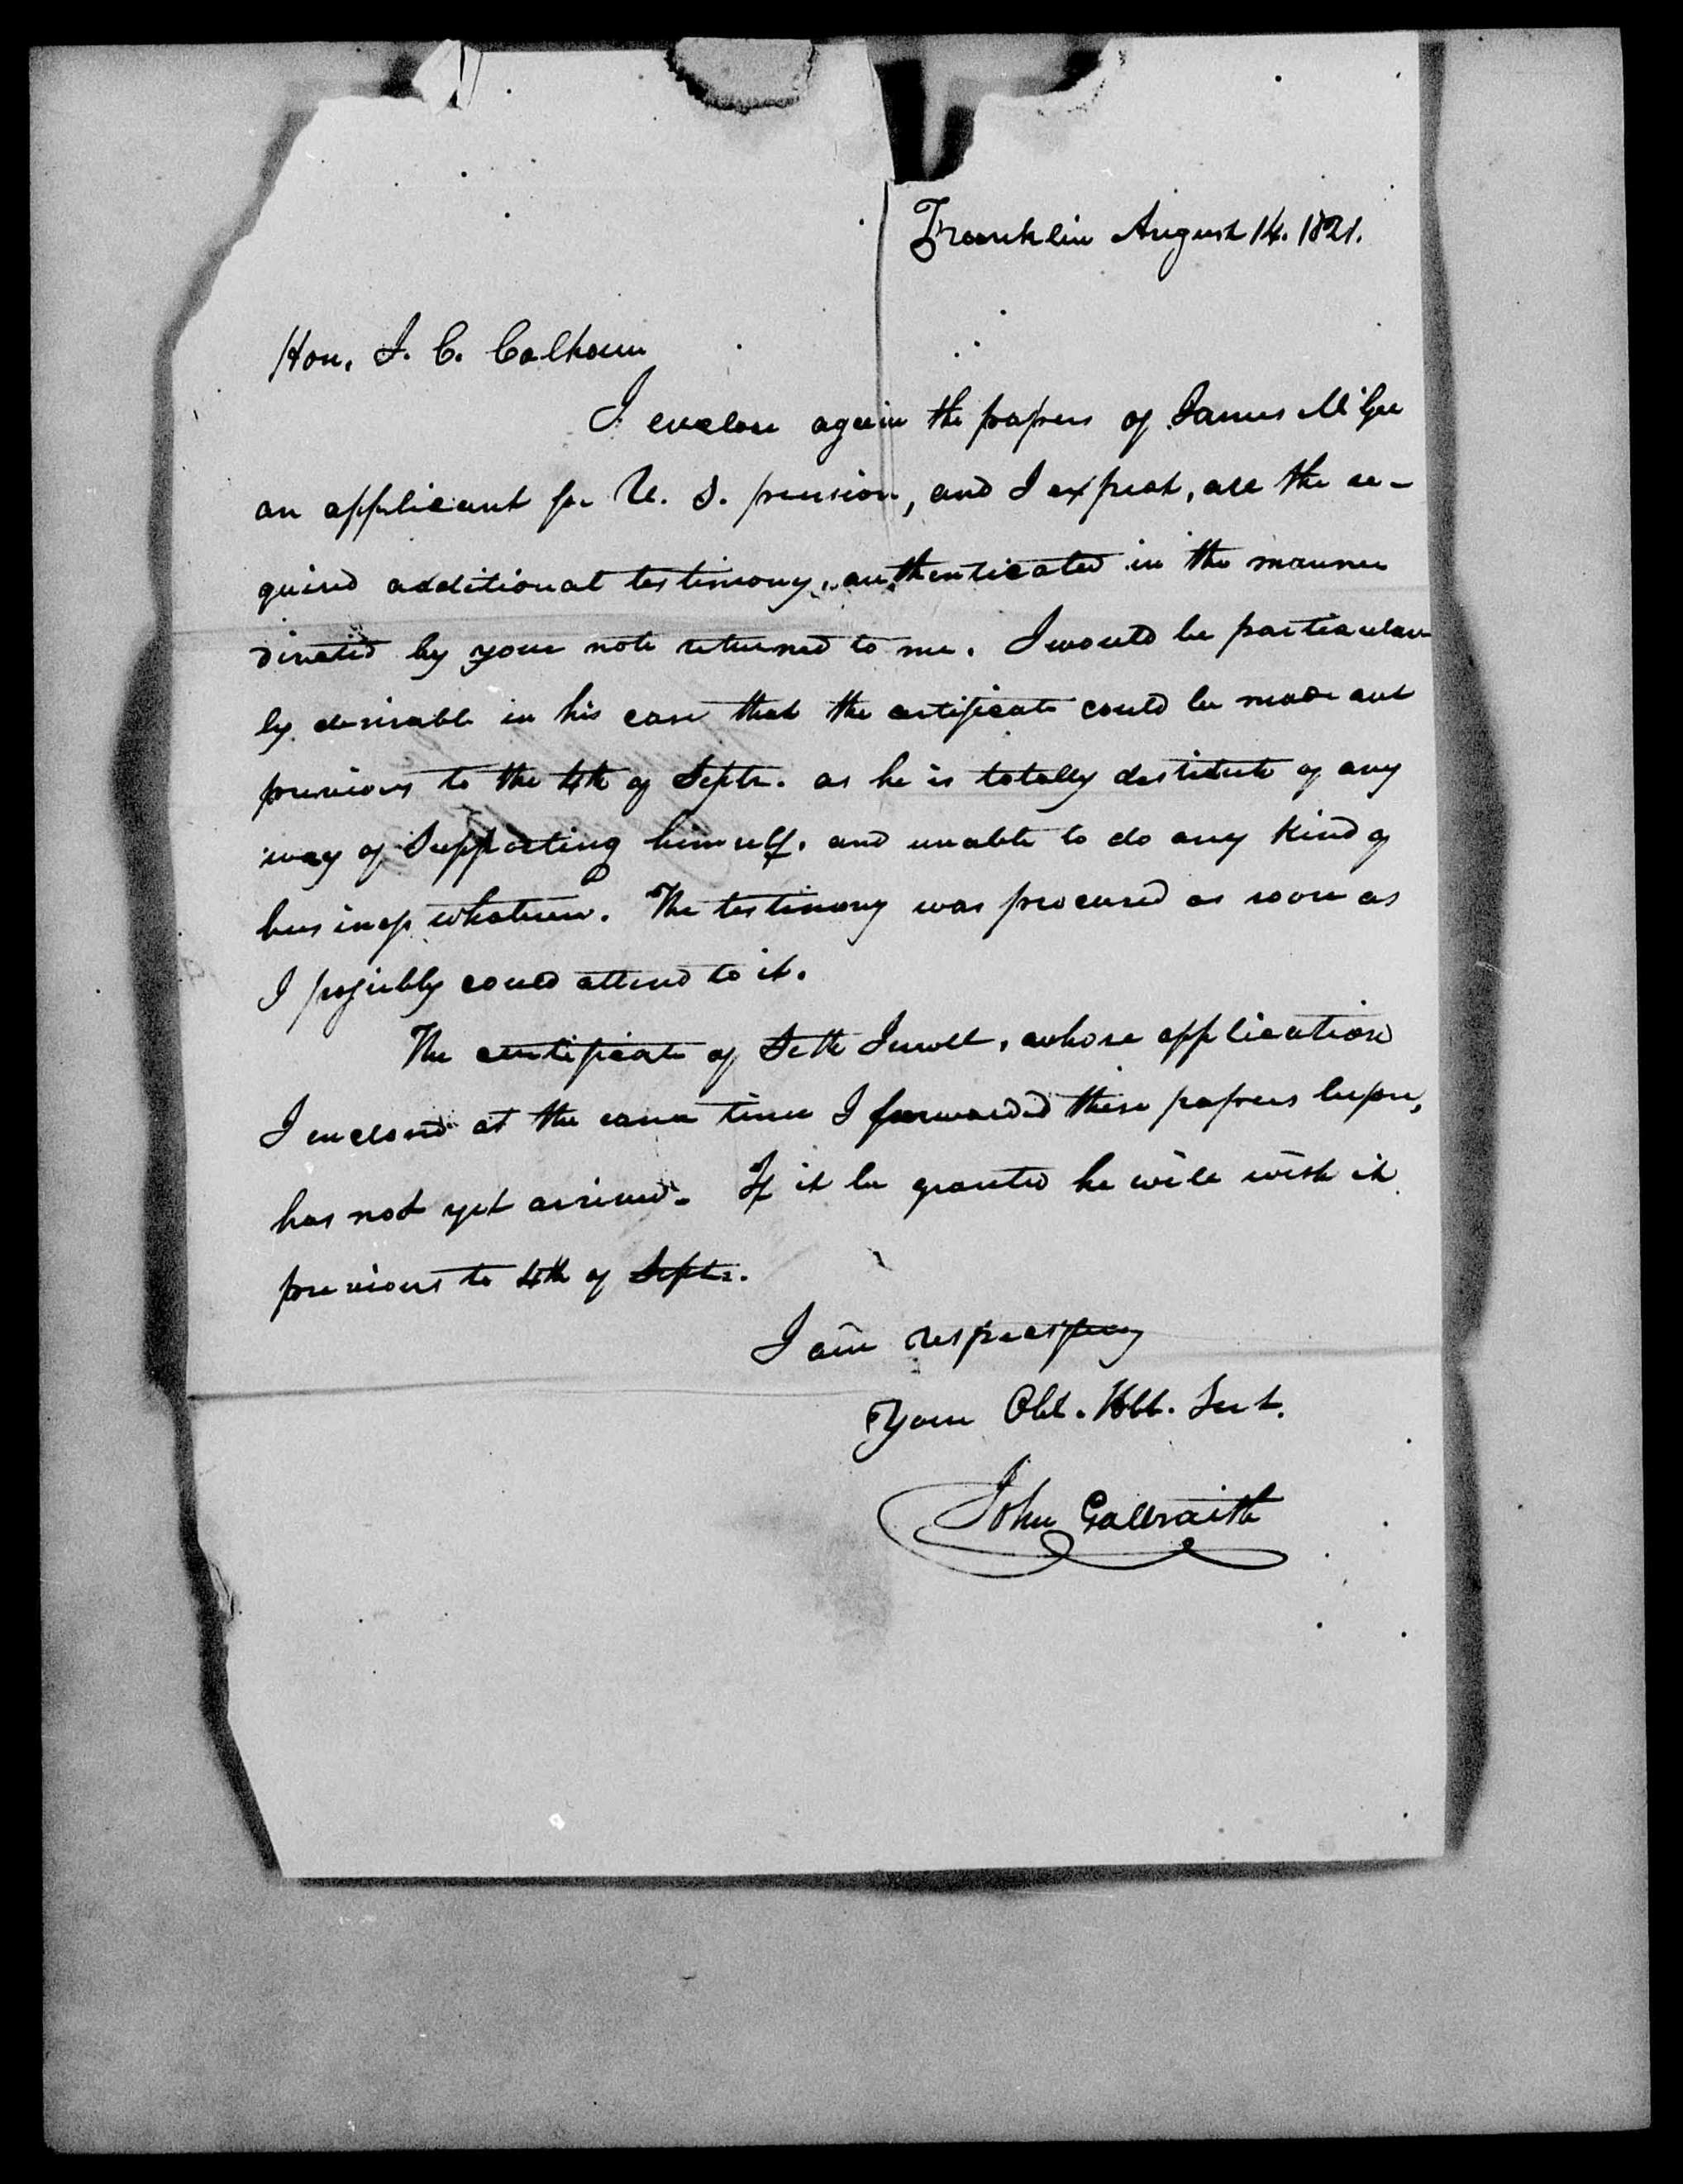Franklin August 14. 1821.
Hon. J. C. Calhoun
I enclose again the papers of James McGee
an applicant for U. S. pension, and I expect, are the required
additional testimony authenticated in the manner
directed by your note returned to me. I would be particularly
desireable in his case that the certificate could be made and
pensions to the 4th of Septm. as he is totally destitute of any
way of supporting himself, and unable to do any kind of
business whatever. The testimony was procured as soon as
I possibly could attend to it. 
The certificate of Seth Jewell, whose application
I enclosed at the same time I forwarded these papers before, 
has not yet arrived. If it be granted he will wish it
previous to the 4th of Sept. 
I am respectfully
Your Obt. Hbl. Sert. 
John Galbraith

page: 35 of 77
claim: widow's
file: W 2954, for James Mc Gee, Delaware